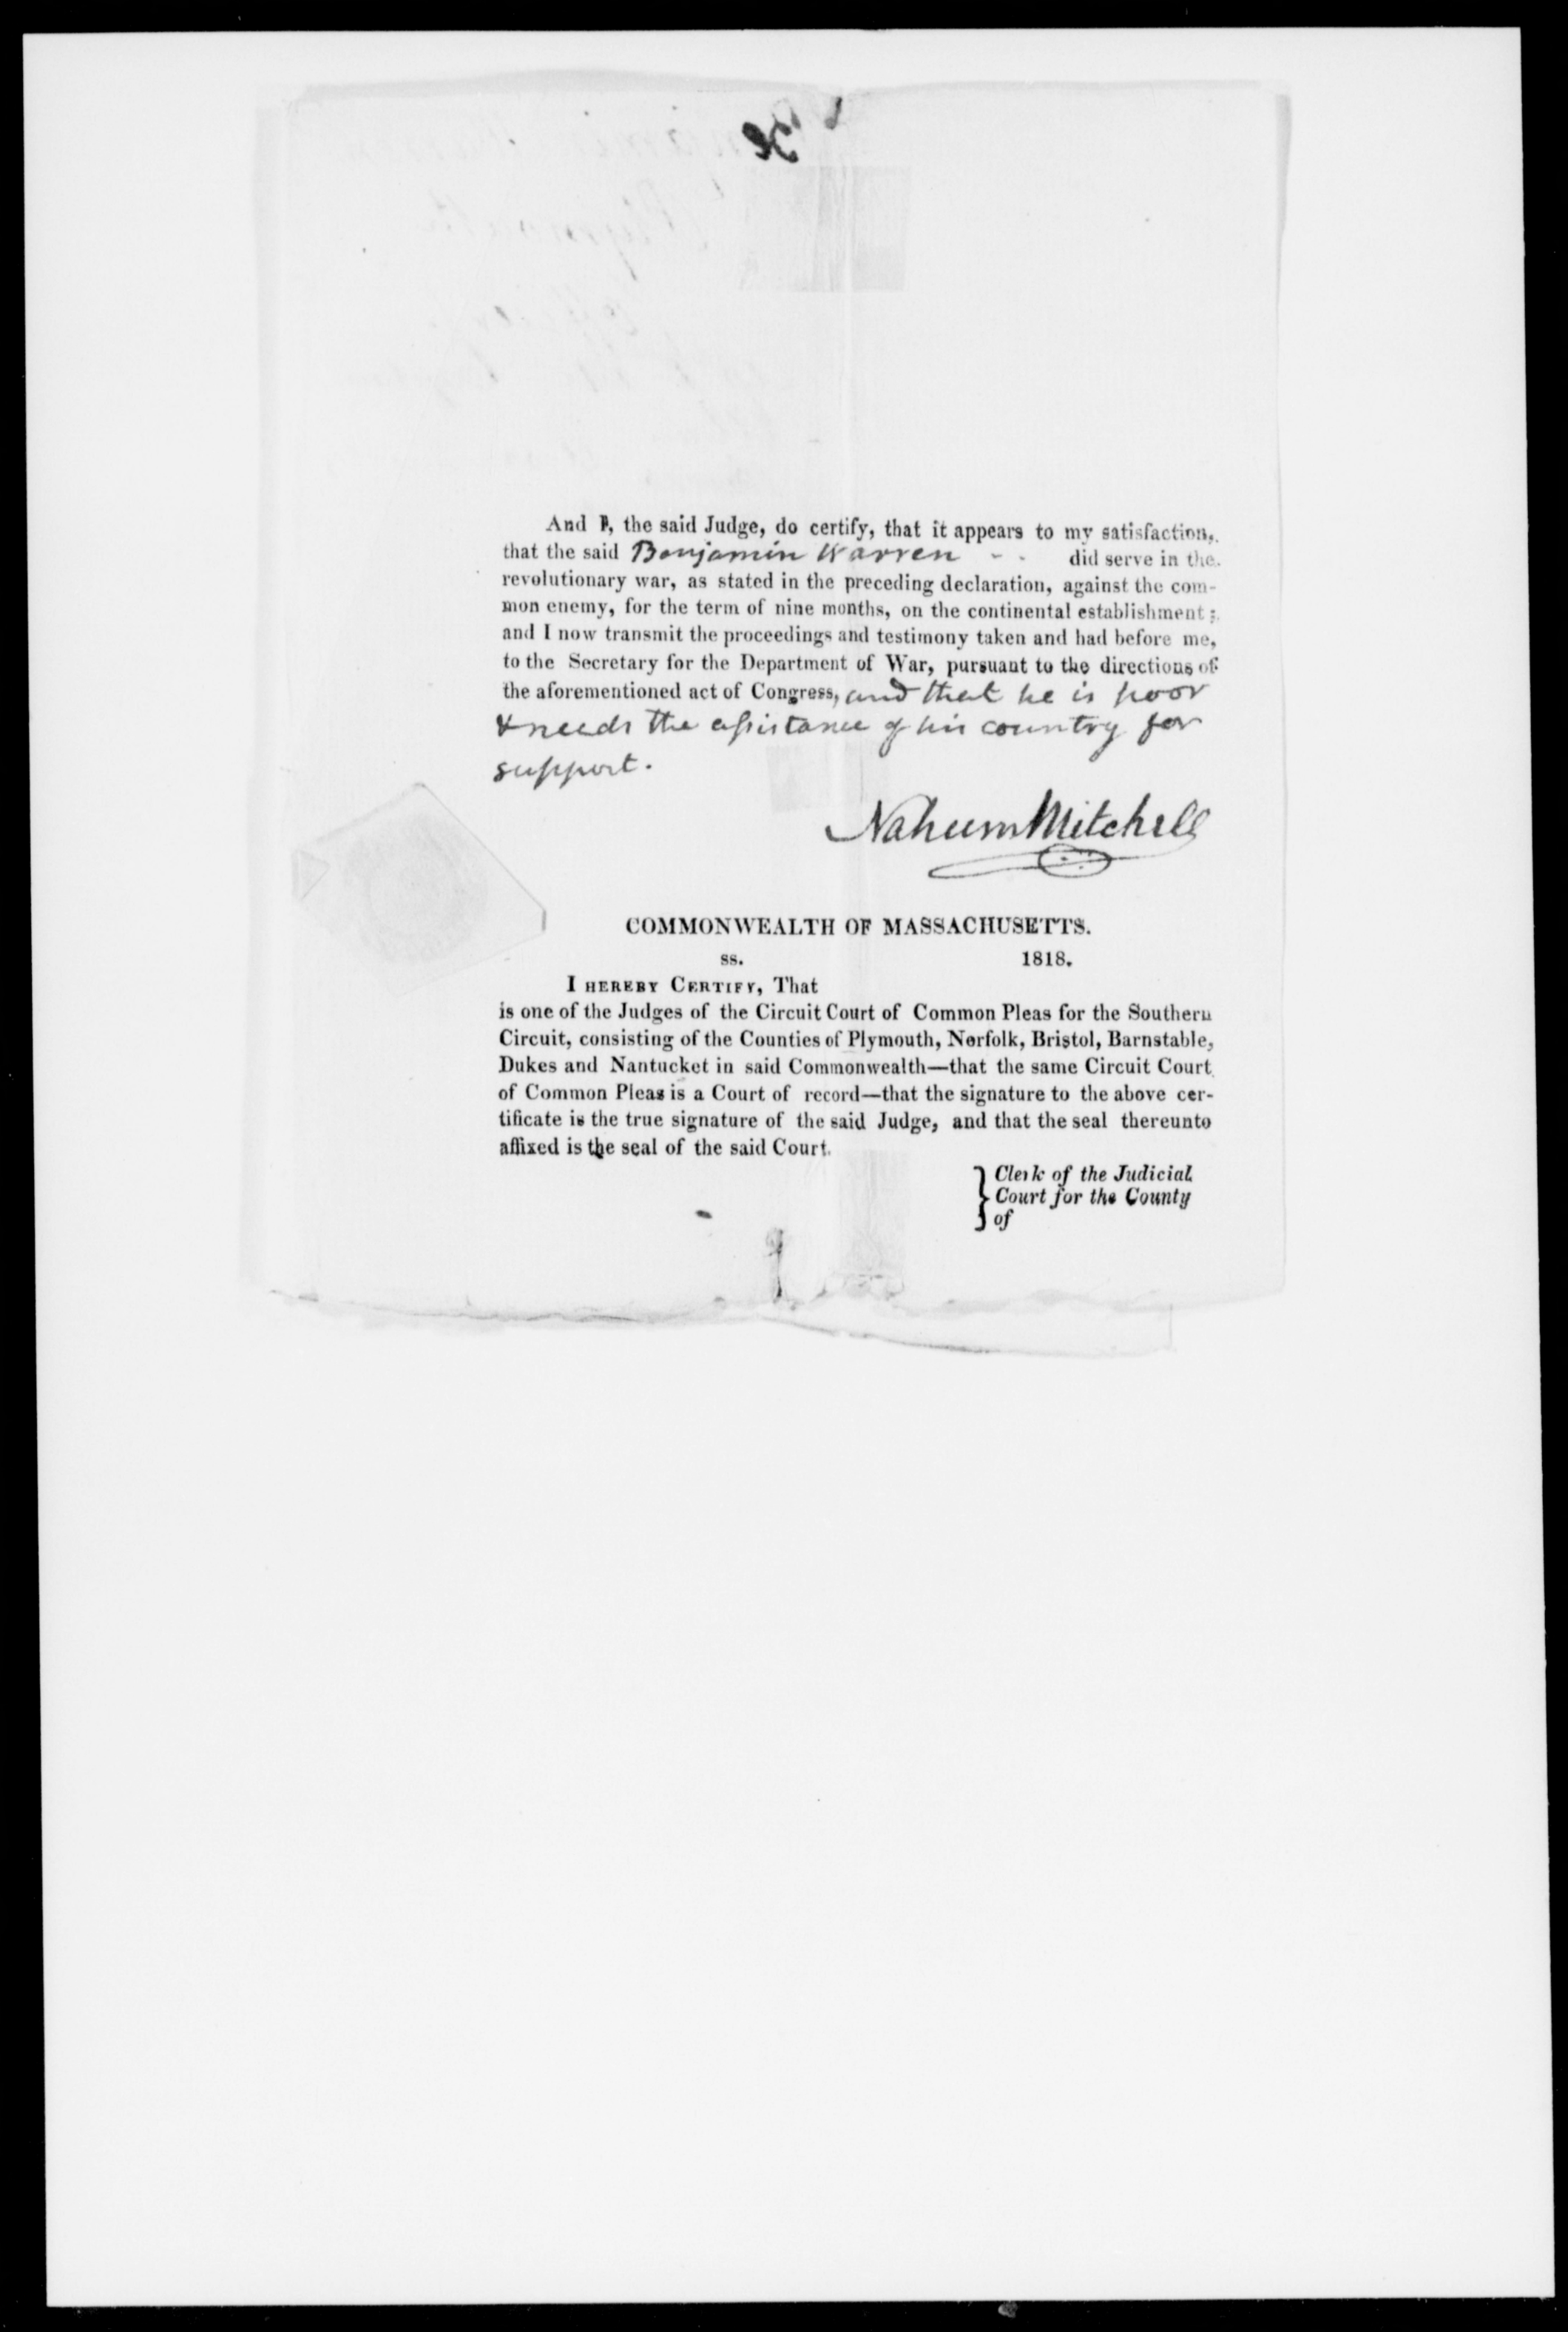And I, the said Judge, do certify that it appears to my satisfaction, that the said Benjamin Warren did serve in the revolutionary war, as stated in the preceding declaration, against the common enemy, for the term of nine months on the continental establishment; and I now transmit the proceedings and testimony taken and had before me, to the Secretary for the Department of War, pursuant to the directions of the aforementioned act of Congress, and that he is poor & needs the assistance of his country for support.
Nahum Mitchell

Commonwealth of Massachsetts
[blank] ss  1818
I hereby certify that [blank] is one of the judges of the Circuit Court of Common Pleas for the Southern Circuit, consisting of the Counties of Plymouth, Norfolk, Bristol, Barnstable, Dukes and Nantucket in said Commonwealth--that the signature to the above certificate is the true signature of the said Judge, and that the seal thereunto affixed is the seal of the said Court.

Clerk of the Judicial Court
for the County of [blank]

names: Benjamin Warren, Nahum Mitchell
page: 11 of 16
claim: survivor's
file: S. 33229, Benjamin Warren, Mass.